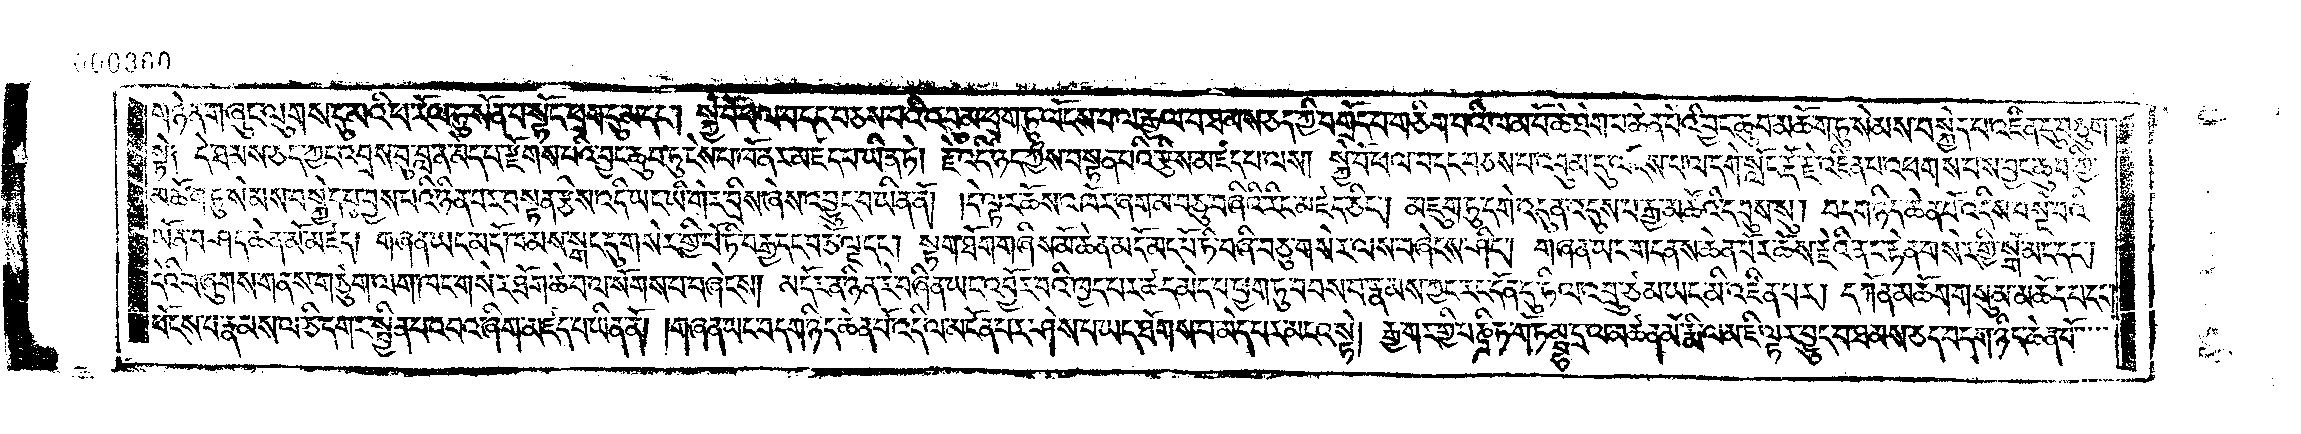གཉེན་གཞུང་ལུགས་དུ་མའི་ཕ་རོལ་ཏུ་སོན་པ་སྟོང་ཕྲག་དུ་མ་དང་། སྐྱེ་བོ་ཕལ་བ་དང་བཅས་པའི་འབུམ་ཕྲག་ཏུ་ལོངས་པ་ལ་རྒྱལ་པ་ཐམས་ཅད་ཀྱི་བགྲོད་བ་གཅིག་པའི་ལམ་བོ་ཆེ་ཐེག་པ་ཆེན་པོའི་བྱང་ཆུབ་མཆོག་ཏུ་སེམས་བསྐྱེད་པ་འཛིན་དུ་བཅུག་
སྟེ༑ དེ་ཐམས་ཅད་ཀྱང་འབྲས་བུ་བླ་ན་མེད་པ་རྫོགས་པའི་བྱང་ཆུབ་ཏུ་ངེས་པ་ཁོ་ནར་མཛད་བ་ཡིན་ཏེ། རྗེ་འདི་ཉིད་ཀྱྀས་བསྟན་པའི་རྩིས་མཛད་པ་ལས། སྐྱེ་བོ་ཕལ་བ་དང་བཅས་པ་འབུམ་དུ་ལོངས་པ་ལ་དགེ་སློང་རྡོ་རྗེ་འཛིན་པ་འཕགས་པས་བྱང་ཆུབ་ཀྱི་
མཆོག་ཏུ་སེམས་བསྐྱེད་པ་བྱས་པའི་ཉིན་པར་བསྟན་རྩིས་འདི་ཡང་ཡི་གེར་བྲིས་ཞེས་འབྱུང་བ་ཡིན་ནོ། །དེ་ལྟར་ཆོས་འཁོར་ཞག་མ་བཅུ་བཞིའི་རིང་མཛད་ཅིང་། མཇུག་ཏུ་དགེ་འདུན་འདུས་པ་རྒྱ་མཚོའི་དབུས་སུ། བདག་ཉིད་ཆེན་བོ་འདིས་བསྔོ་བའི་
ཡོན་བཤད་ཆེན་མོ་མཛད། གཞན་ཡང་མདོ་ཁམས་སྒང་དུ་གསེར་གྱི་པོ་ཏི་བརྒྱ་དང་བཅོ་ལྔ་དང་། སྟག་ཐོག་གཞིས་མོ་ཆེན་མདོ་མང་པོ་ཏི་བཞི་བཅུ་གསེར་ལས་བཞེངས་ཤིང་། གཞན་ཡང་གདན་ས་ཆེན་པོར་ཆོས་རྗེའི་ནང་རྟེན་གསེར་གྱི་སྒོ་མང་དང་།
དེའི་བཞུགས་གནས་གཙུག་ལག་ཁང་གསེར་ཐོག་ཆེ་པ་ལ་སོགས་པ་བཞེངས། མདོར་ན་ཉིན་རེ་བཞིན་ཡང་འབྱོར་བའི་ཁྱད་པར་ཚད་མེད་པ་ཕྱག་ཏུ་བབས་པ་རྣམས་ཀྱང་རང་དོན་དུ་ཏིལ་འབྲུ་ཙམ་ཡང་མི་འཛིན་པར། དཀོན་མཆོག་གསུམ་མཆོད་པ་དང་།
ཕོངས་པ་རྣམས་ལ་ཅི་དགར་སྦྱིན་པ་འབའ་ཞིག་མཛད་པ་ཡིན་ནོ། །གཞན་ཡང་བདག་ཉིད་ཆེན་པོ་འདི་ལ་མངོན་པར་ཤེས་པ་ཡང་ཐོགས་པ་མེད་པར་མངའ་སྟེ། རྒྱ་གར་གྱི་པཎྜི་ཏ་གོ་ཏམྦྷ་དྲ་ལ་མཚན་མོ་རྨི་ལམ་ཇི་ལྟར་བྱུང་བ་ཐམས་ཅད་བདག་ཉིད་ཆེན་པོ་